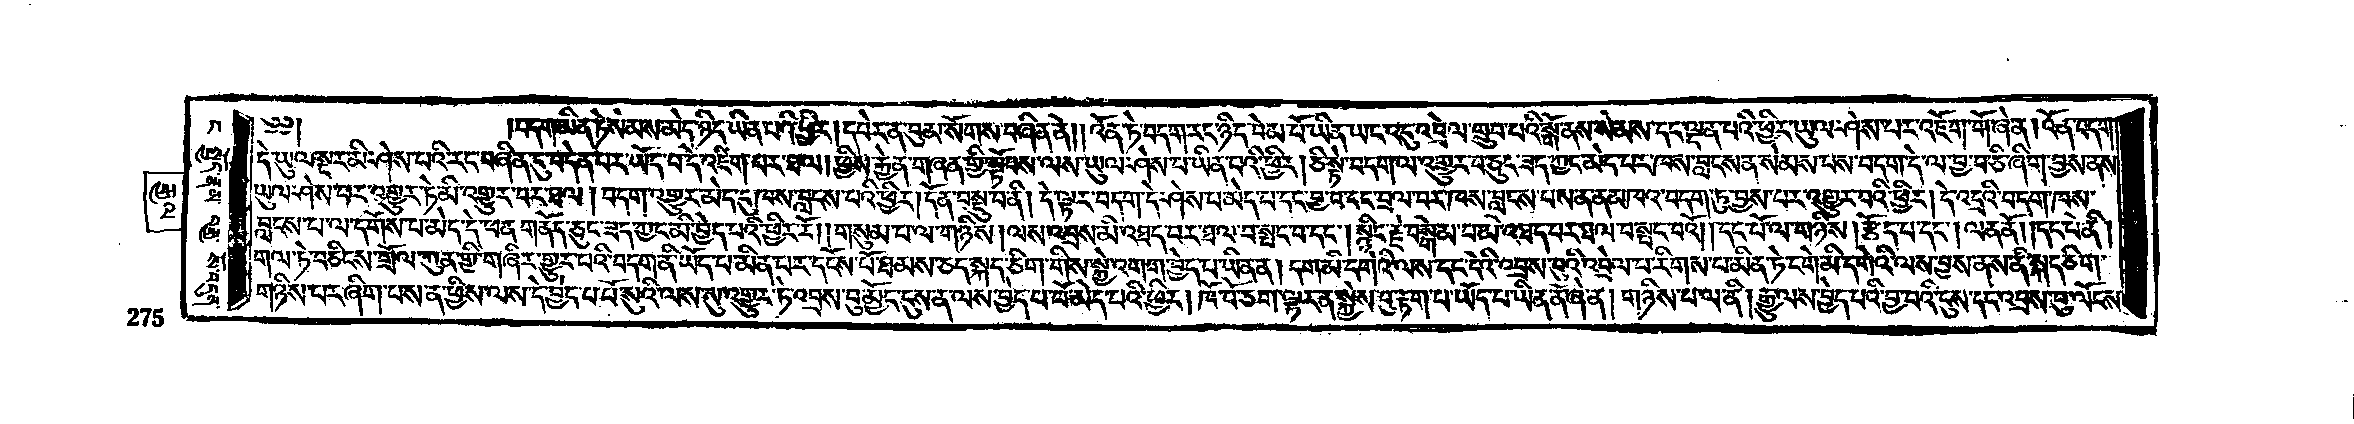༄༅། །བདག་མིན་ཏེ་སེམས་མེད་ཉིད་ཡིན་པའི་ཕྱིར། དཔེར་ན་བུམ་སོགས་བཞིན་ནོ། །འོན་ཏེ་བདག་རང་ཉིད་བེམ་པོ་ཡིན་ཡང་འདུ་འབྲེལ་གྲུབ་པའི་སྒོ་ནས་སེམས་དང་ལྡན་པའི་ཕྱིར་ཡུལ་ཤེས་པར་འཇོག་གོ་ཞེ་ན། འོ་ན་བདག་
དེ་ཡུལ་སྔར་མི་ཤེས་པའི་རང་བཞིན་དུ་བདེན་པར་ཡོད་པ་དེ་འཇིག་པར་ཐལ། ཕྱིས་རྐྱེན་གཞན་གྱི་སྟོབས་ལས་ཡུལ་ཤེས་པ་ཡིན་པའི་ཕྱིར། ཅི་སྟེ་བདག་ལ་འགྱུར་བ་ཅུང་ཟད་ཀྱང་མེད་པར་ཁས་བླངས་ན་སེམས་པས་བདག་དེ་ལ་བྱ་བ་ཅི་ཞིག་བྱས་ནས་
ཡུལ་ཤེ་སྤར་འགྱུར་ཏེ་མི་འགྱུར་བར་ཐལ། བདག་འགྱུར་མེད་དུ་ཁས་བླངས་པའི་ཕྱིར། དོན་བསྡུ་བ་ནི། དེ་ལྟར་བདག་དེ་ཤེས་པ་མེད་པ་དང་བྱ་བ་དང་བྲལ་བར་ཁས་བླངས་པས་ན་ནམ་མཁའ་བདག་ཏུ་བྱས་པར་འགྱུར་བའི་ཕྱིར། དེ་འདྲའི་བདག་ཁས་
བླངས་པ་ལ་དགོས་པ་མེད་དེ་ཕན་གནོད་ཅུང་ཟད་ཀྱང་མི་བྱེད་པའི་ཕྱིར་རོ། །གསུམ་པ་ལ་གཉིས། ལས་འབྲས་མི་འཐད་པར་ཐལ་བ་སྤང་བ་དང་། སྙིང་རྗེ་བསྒོམ་པ་མི་འཐད་པར་ཐལ་བ་སྤང་བའོ། །དང་པོ་ལ་གཉིས། རྩོད་པ་དང་། ལན་ནོ། །དང་པོ་ནི།
གལ་ཏེ་བཅིངས་གྲོལ་ཀུན་གྱི་གཞིར་གྱུར་པའི་བདག་ནི་ཡོད་པ་མིན་པར་དངོས་པོ་ཐམས་ཅད་སྐད་ཅིག་གིས་སྐྱེ་འགག་བྱེད་པ་ཡིན་ན། དག་མི་དགེའི་ལས་དང་དེའི་འབྲས་བུའི་འབྲེལ་པ་རིགས་པ་མིན་ཏེ་དགེ་མི་དགེའི་ལས་བྱས་ནས་ནི་སྐད་ཅིག་
གཉིས་པར་ཞིག་པས་ན་ཕྱིས་ལས་དེ་བྱེད་པ་པོ་སུའི་ལས་སུ་འགྱུར་ཏེ་འབྲས་བུ་མྱོང་དུས་ན་ལས་བྱེད་པ་པོ་མེད་པའི་ཕྱིར། ཁོ་བོ་ཅག་ལྟར་ན་སྐྱེས་བུ་རྟག་པ་ཡོད་པ་ཡིན་ནོ་ཞེ་ན། གཉིས་པ་ལ་ནི། རྒྱུ་ལས་བྱེད་པའི་བྱ་བའི་དུས་དང་འབྲས་བུ་ལོངས་